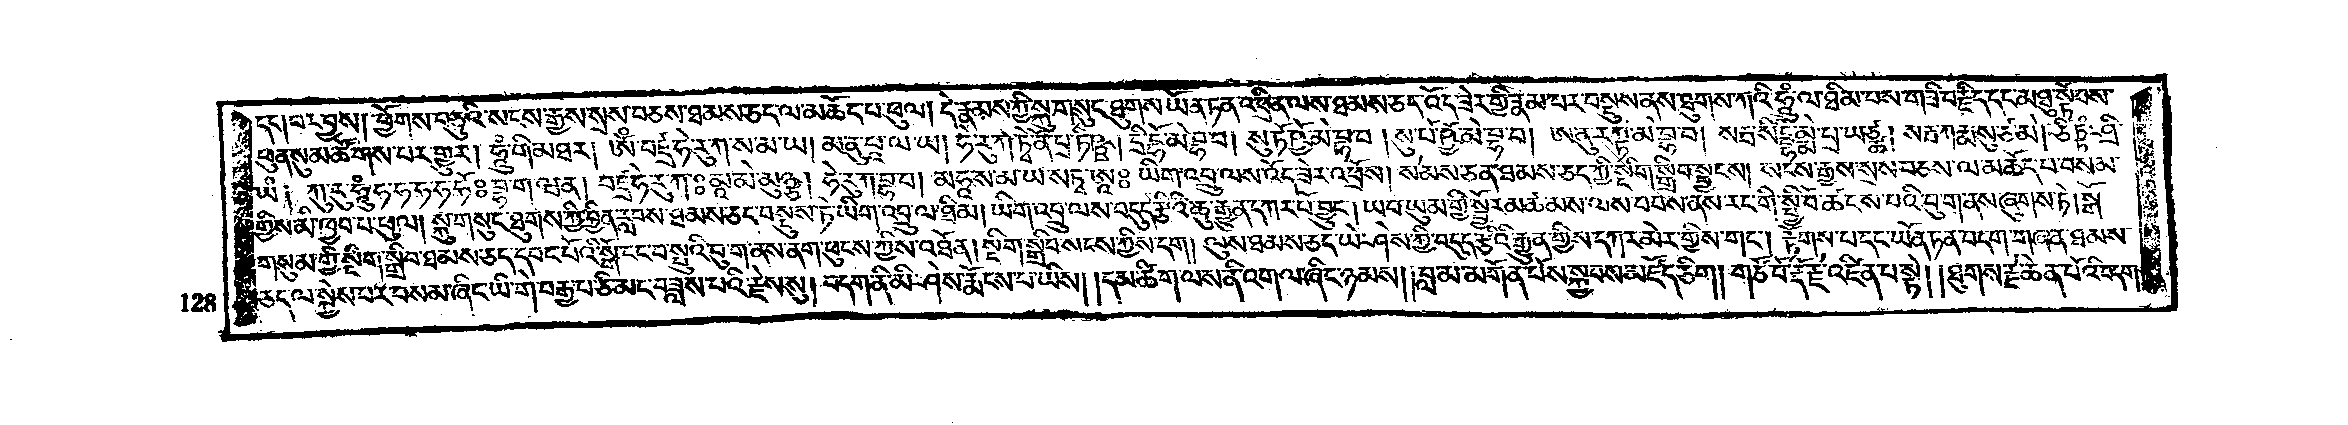དང་། པར་བྱས། ཕྱོགས་བཅུའི་སངས་རྒྱས་སྲས་བཅས་ཐམས་ཅད་ལ་མཆོད་པ་ཕུལ། དེ་རྣམས་ཀྱི་སྐུ་གསུང་ཐུགས་ཡོན་ཏན་འཕྲིན་ལས་ཐམས་ཅད་འོད་ཟེར་གྱི་རྣམ་པར་བསྡུས་ནས་ཐུགས་ཀའི་ཧཱུཾ་ལ་ཐིམ་པས་གཟི་བརྗིད་དང་མཐུ་སྟོབས་
ཕུན་སུམ་ཚོགས་པར་གྱུར། ཧཱུཾ་གི་མཐར། ཨོཾ་བཛྲ་ཧེ་རུ་ཀ་ས་མ་ཡ། མ་ནུ་པཱ་ལ་ཡ། ཧེ་རུ་ཀ་ཏྭེ་ནོ་པྲ་ཏིཥཊཿཨ། དྲི་དྷོ་མེ་བྷ་བ། སུ་ཏོ་ཥྱོ་མེ་བྷ་བ། སུ་པོ་ཥྱོ་མེ་བྷ་བ། ཨ་ནུ་རཀྟོ་མེ་བྷ་བ། སརྦ་སིདྡྷི་མྨེ་པྲ་ཡ་ཙྪ། སརྦ་ཀརྨ་སུ་ཙ་མེ། ཙིཏྟཾ་ཤྲི་
ཡཾ། ཀུ་རུ་ཧཱུཾ་ཧ་ཧ་ཧ་ཧ་ཧོཿ བྷ་ག་ཝ་ན། བཛྲ་ཧེ་རུ་ཀཿ མཱ་མེ་མུཉྩ། ཧེ་རུ་ཀ་བྷ་བ། མཧཱ་ས་མ་ཡ་སཏྭ་ཨཱཿ ཡིག་འབྲུ་ལས་འོད་ཟེར་འཕྲོས། སེམས་ཅན་ཐམས་ཅད་ཀྱི་སྡིག་སྒྲིབ་སྦྱངས། སངས་རྒྱས་སྲས་བཅས་ལ་མཆོད་པ་བསམ་
གྱིས་མི་ཁྱབ་པ་ཕུལ། སྐུ་གསུང་ཐུགས་ཀྱི་བྱིན་རླབས་ཐམས་ཅད་བསྡུས་ཏེ་ཡིག་འབྲུ་ལ་ཐིམ། ཡིག་འབྲུ་ལས་བདུད་རྩིའི་ཆུ་རྒྱུན་དཀར་པོ་བྱུང་། ཡབ་ཡུམ་གྱི་སྦྱོར་མཚམས་ལས་བབས་ནས་རང་གི་སྤྱི་བོ་ཚངས་པའི་བུ་ག་ནས་ཞུགས་ཏེ། སྒོ་
གསུམ་གྱི་སྡིག་སྒྲིབ་ཐམས་ཅད་དབང་པོའི་སྒོ་དང་བ་སྤུའི་བུ་ག་ནས་ནག་ཕུངས་ཀྱིས་འཐོན། སྡིག་སྒྲིབས་སངས་ཀྱིས་དག །ལུས་ཐམས་ཅད་ཡེ་ཤེས་ཀྱི་བདུད་རྩིའི་རྒྱུན་གྱིས་དཀར་མེར་གྱིས་གང་། རྟོགས་པ་དང་ཡོན་ཏན་བདག་གཞན་ཐམས་
ཅད་ལ་སྐྱེས་པར་བསམ་ཞིང་ཡི་གེ་བརྒྱ་པ་ཅི་མང་བཟླས་པའི་རྗེས་སུ། བདག་ནི་མི་ཤེས་རྨོངས་པ་ཡིས། །དམ་ཚིག་ལས་ནི་འགལ་ཞིང་ཉམས། །བླ་མ་མགོན་པོས་སྐྱབས་མཛོད་ཅིག །གཙོ་བོ་རྡོ་རྗེ་འཛིན་པ་སྟེ། །ཐུགས་རྗེ་ཆེན་པོའི་བདག་